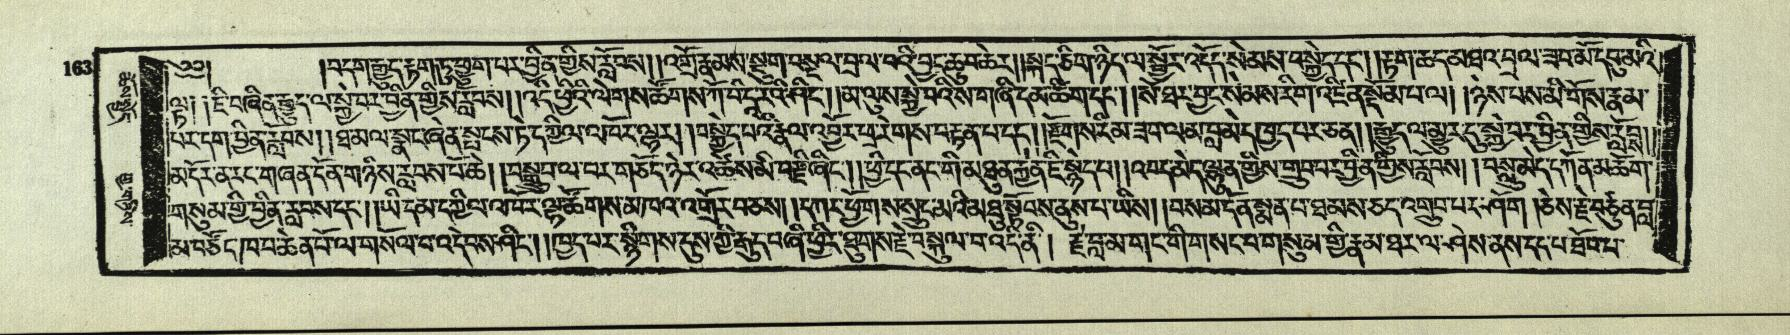༄༅། །བདག་རྒྱུད་རྟག་ཏུ་ཕྱུག་པར་བྱིན་གྱིས་རློབས། །འགྲོ་རྣམས་སྡུག་བསྔལ་བྲལ་བའི་བྱང་ཆུབ་ཆེར། །སྐད་ཅིག་ཉིད་ལ་སྦྱོར་འདོད་སེམས་བསྐྱེད་དང་། །རྟག་ཆད་མཐའ་བྲལ་ཟབ་མོ་དབུ་མའི་
ལྟ༑ ༑ཇི་བཞིན་རྒྱུད་ལ་སྐྱེ་བར་བྱིན་གྱིས་རླབས། །འདི་ཕྱིའི་ལེགས་ཚོགས་ཀོ་བི་དཱ་རའི་ཤིང་། །མ་ལུས་སྐྱེ་བའི་ས་གཞི་དམ་ཚིག་དང་། །སོ་ཐར་བྱང་སེམས་རིག་འཛིན་སྡོམ་པ་ལ། །ཉེས་པས་མི་གོས་རྣམ་
པར་དག་བྱིན་རློབས། །ཐ་མལ་སྣང་ཞེན་སྤངས་ཏེ་དཀྱིལ་འཁོར་ལྷར། །བསྐྱེད་པའི་རྣལ་འབྱོར་ཕྲ་རེགས་བརྟན་པ་དང་། །རྫོགས་རིམ་ཟབ་ལམ་བླ་མེད་ཁྱད་པར་ཅན། །རྒྱུད་ལ་མྱུར་དུ་སྐྱེ་བར་བྱིན་གྱིས་རློབས།།
མདོར་ན་རང་གཞན་དོན་གཉིས་རླབས་པོ་ཆེ། །བསྒྲུབ་ལ་བར་གཅོད་ཉེར་འཚེས་མི་བརྫི་ཞིང་། །ཕྱི་དང་ནང་གི་མཐུན་རྐྱེན་ཇི་སྙེད་པ། །འབད་མེད་ལྷུན་གྱིས་གྲུབ་པར་བྱིན་གྱིས་རློབས། །བསླུ་མེད་དཀོན་མཆོག་
གསུམ་གྱི་བྱིན་རླབས་དང་། །ཡི་དམ་དཀྱིལ་འཁོར་ལྷ་ཚོགས་མཁའ་འགྲོར་བཅས། །དཀར་ཕྱོགས་སྲུང་མའི་མཐུ་སྟོབས་ནུས་པ་ཡིས། །བསམ་དོན་སྨན་པ་ཐམས་ཅད་འགྲུབ་པར་ཤོག །ཅེས་རྗེ་བཙུན་བླ་
མ་བཙོང་ཁ་པ་ཆེན་པོ་ལ་གསོལ་བ་འདེབས་ཤིང་། །ཁྱད་པར་སྙིགས་དུས་ཀྱི་རྒུད་བཞི་ཕྱིར་ཐུགས་རྗེ་བསྐུལ་བ་འདི་ནི། རྗེ་བླ་མ་གང་གི་གསང་བ་གསུམ་གྱི་རྣམ་ཐར་ལ་ཤེས་ནས་དད་པ་ཐོབ་པ་